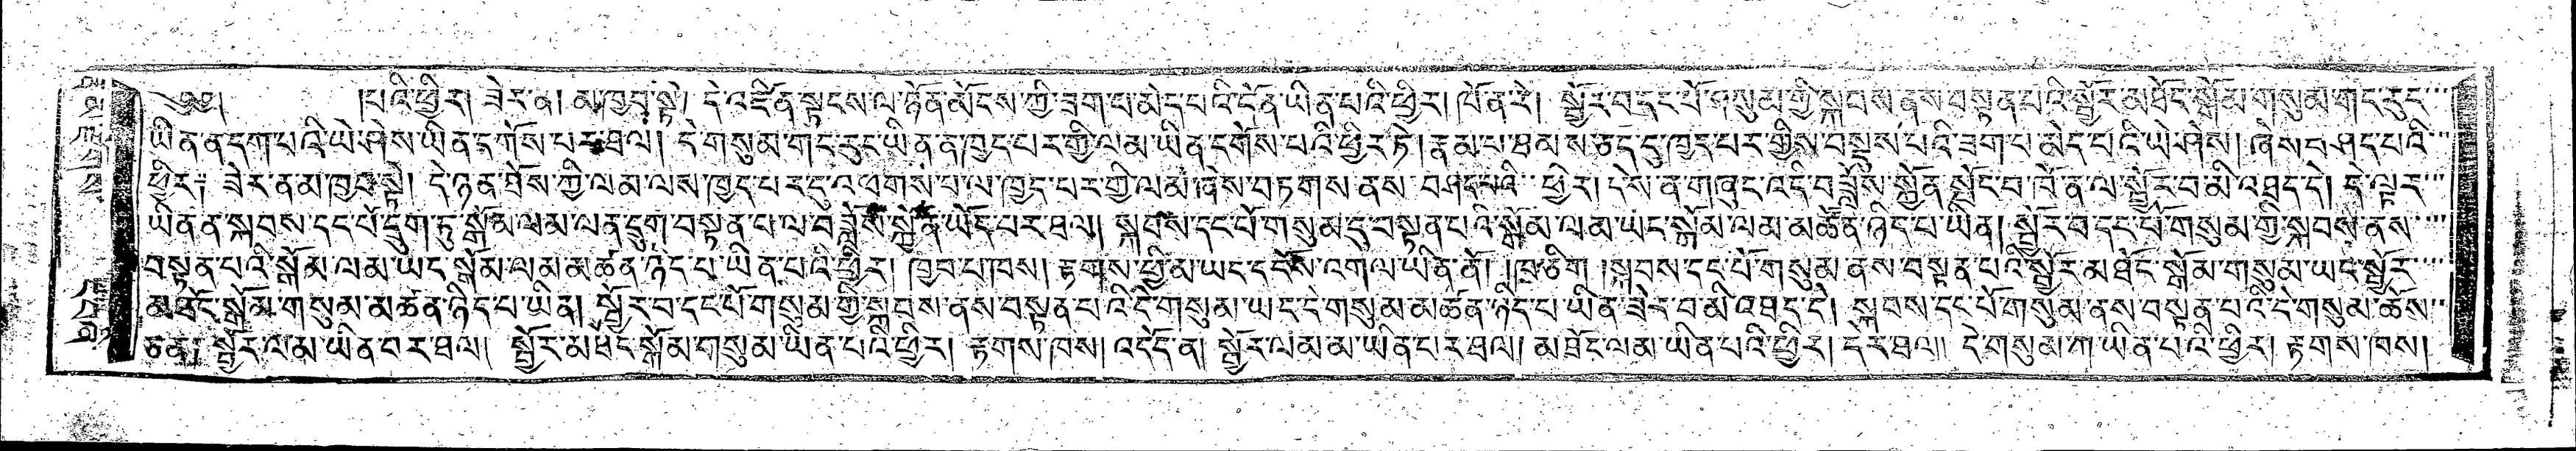༄༅། །པའི་ཕྱིར། ཟེར་ན། མ་ཁྱབ་སྟེ། དེ་འཛིན་སྟངས་ལ་ཉོན་མོངས་ཀྱི་ཟག་པ་མེད་པའི་དོན་ཡིན་པའི་ཕྱིར། ཁོ་ན་རེ། སྦྱོར་བ་དང་པོ་གསུམ་གྱི་སྐབས་ནས་བསྟན་པའི་སྦྱོར་མཐོང་སྒོམ་གསུམ་གང་རུང་
ཡིན་ན་དག་པའི་ཡེ་ཤེས་ཡིན་དགོས་པར་ཐལ། དེ་གསུམ་གང་རུང་ཡིན་ན་ཁྱད་པར་གྱི་ལམ་ཡིན་དགོས་པའི་ཕྱིར་ཏེ། རྣམ་པ་ཐམས་ཅད་དུ་ཁྱད་པར་གྱིས་བསྡུས་པའི་ཟག་པ་མེད་པའི་ཡེ་ཤེས། ཞེས་བཤད་པའི་
ཕྱིར༑ ཟེར་ན་མ་ཁྱབ་སྟེ། དེ་ཉན་ཐོས་ཀྱི་ལམ་ལས་ཁྱད་པར་དུ་འཕགས་པ་ལ་ཁྱད་པར་གྱི་ལམ་ཞེས་བཏགས་ནས་བཤད་པའི་ཕྱིར། དེས་ན་གཞུང་འདི་བཟློས་སྐྱོན་སྤོང་བ་ཁོ་ན་ལ་སྦྱོར་བ་མི་འཐད་དེ། དེ་ལྟར་
ཡིན་ན་སྐབས་དང་པོ་དྲུག་ཏུ་སྒོམ་ལམ་ལན་དྲུག་བསྟན་པ་ལ་བཟློས་སྐྱོན་ཡོད་པར་ཐལ། སྐབས་དང་པོ་གསུམ་དུ་བསྟན་པའི་སྒོམ་ལམ་ཡང་སྒོམ་ལམ་མཚན་ཉིད་པ་ཡིན། སྦྱོར་བ་དང་པོ་གསུམ་གྱི་སྐབས་ནས་
བསྟན་པའི་སྒོམ་ལམ་ཡང་སྒོམ་ལམ་མཚན་ཉིད་པ་ཡིན་པའི་ཕྱིར། ཁྱབ་པ་ཁས། རྟགས་ཕྱི་མ་ཡང་དངོས་འགལ་ཡིན་ནོ། །ཁ་ཅིག །སྐབས་དང་པོ་གསུམ་ནས་བསྟན་པའི་སྦྱོར་མཐོང་སྒོམ་གསུམ་ཡང་སྦྱོར་
མཐོང་སྒོམ་གསུམ་མཚན་ཉིད་པ་ཡིན། སྦྱོར་བ་དང་པོ་གསུམ་གྱི་སྐབས་ནས་བསྟན་པའི་དེ་གསུམ་ཡང་དེ་གསུམ་མཚན་ཉིད་པ་ཡིན་ཟེར་བ་མི་འཐད་དེ། སྐབས་དང་པོ་གསུམ་ནས་བསྟན་པའི་དེ་གསུམ་ཆོས་
ཅན༑ སྦྱོར་ལམ་ཡིན་པར་ཐལ། སྦྱོར་མཐོང་སྒོམ་གསུམ་ཡིན་པའི་ཕྱིར། རྟགས་ཁས། འདོད་ན། སྦྱོར་ལམ་མ་ཡིན་པར་ཐལ། མཐོང་ལམ་ཡིན་པའི་ཕྱིར། དེར་ཐལ། དེ་གསུམ་ཀ་ཡིན་པའི་ཕྱིར། རྟགས་ཁས།